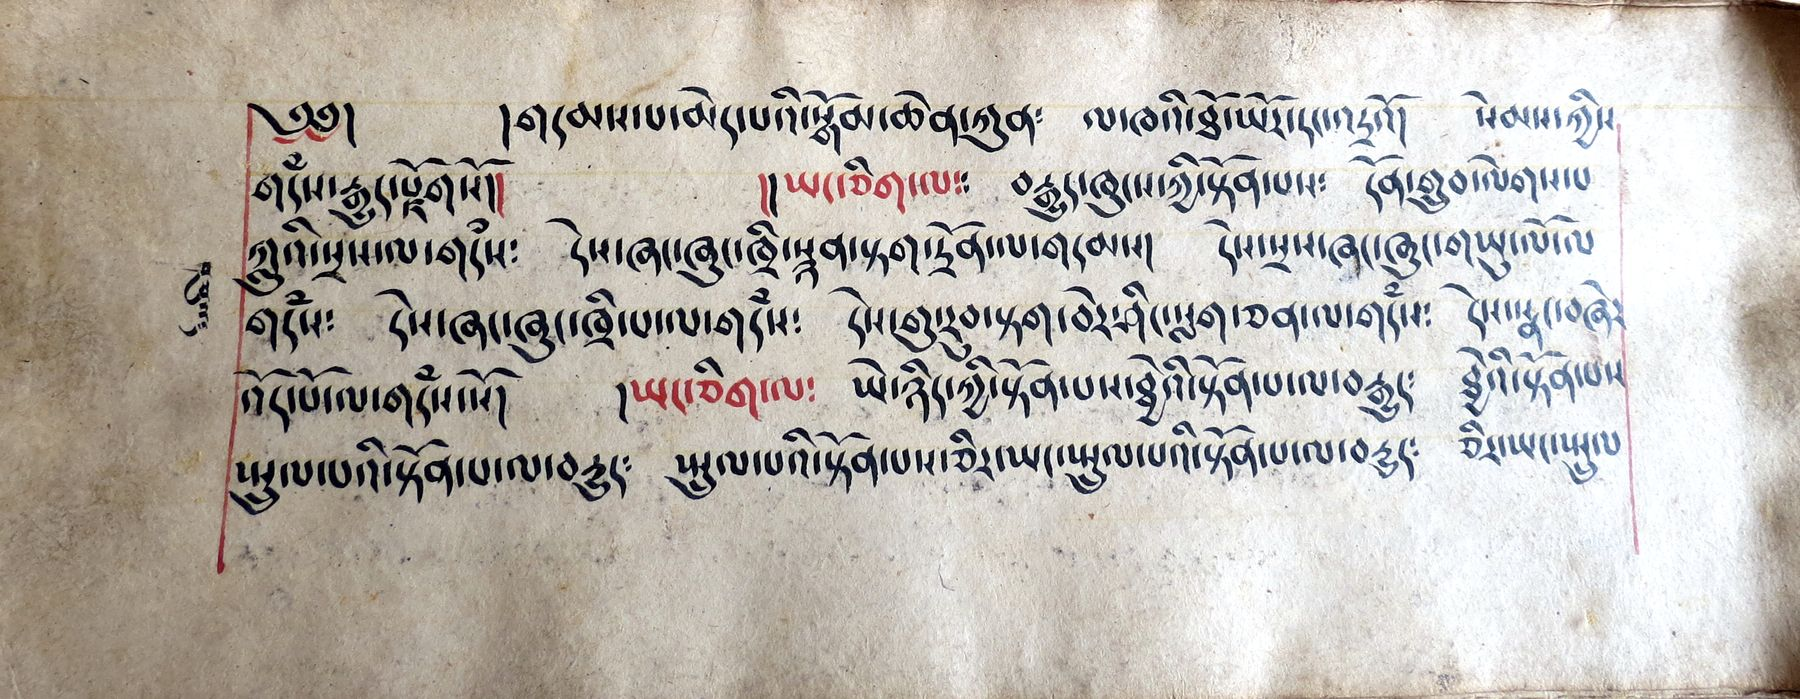གདམས་པ་མེད་པའི་སྒོམ་ཆེན་ཀུན། ལ་ཁའི་ཐོ་ཡོར་དང་འདྲའོ། །སེམས་ཀྱི་
གདམས་བརྒྱུད་རྫོགས་སོ། །ཡང་ཅིག་ལ། བརྒྱུད་ཁུངས་ཀྱི་སྟོན་པས་༼ཡེ་གཤེན་གཙུག་ཕུད་ཀྱིས།༽ དོན་གྲུབ་ལེགས་པ་
ཀླུའི་སྲས་ལ་གདམས། དེས་ཞང་ཞུང་ཁྲི་སྙན་སྟག་སྒྲོན་ལ་གདམས། དེས་སྲས་ཞང་ཞུང་གཡུ་ལོ་ལ་
གདམས། དེས་ཞང་ཞུང་ཁྲི་པ་ལ་གདམས་པ།དེས་གུ་རུབ་སྟག་བེར་ཤིང་སླག་ཅན་ལ་གདམས། དེས་སྣང་བཞེར་
འོད་པོ་ལ་གདམས་སོ། །ཡང་ཅིག་ལ། ཡེ་ཉིད་ཀྱི་སྟོན་པས་ཐུགས་རྗེའི་སྟོན་པ་ལ་བརྒྱུད། ཐུགས་རྗེའི་སྟོན་པས་
སྤྲུལ་པའི་སྟོན་པ་ལ་བརྒྱུད། ཐུགས་རྗེའི་སྟོན་པས་སྤྲུལ་པའི་སྟོན་པ་ལ་བརྒྱུད། སྤྲུལ་པའི་སྟོན་པས་ཅིར་ཡངསྤྲུལ་པའི་སྟོན་པ་ལ་བརྒྱུད། ཅིར་ཡང་སྤྲུལ་